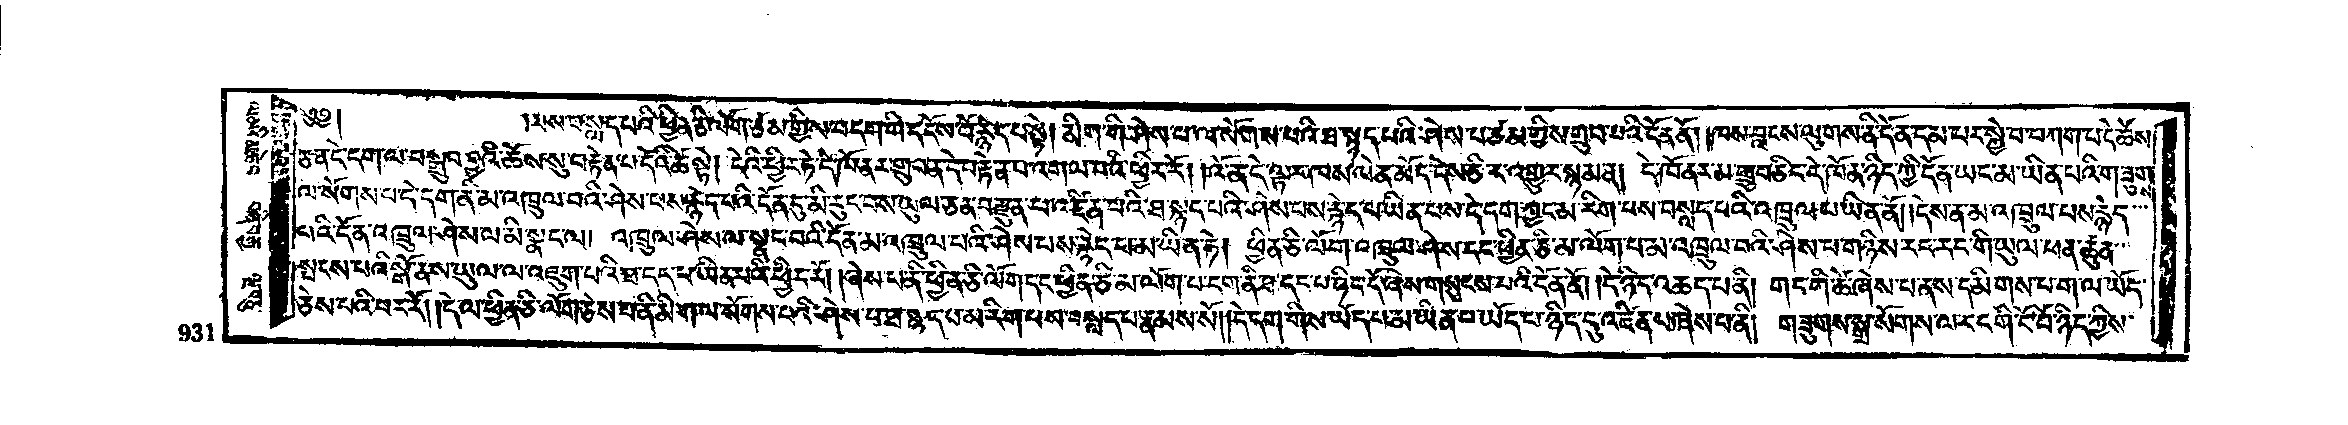༄༅། །པས་བསླད་པའི་ཕྱིན་ཅི་ལོག་ཙམ་གྱིས་བདག་གི་དངོས་པོ་རྙེད་པ་སྟེ། མིག་གི་ཤེས་པ་ལ་སོགས་པའི་ཐ་སྙད་པའི་ཤེས་པ་ཙམ་གྱིས་གྲུབ་པའི་དོན་ནོ། །ཁས་བླངས་ལུགས་ནི་དོན་དམ་པར་སྐྱེ་བ་བཀག་པ་དེ་ཆོས་
ཅན་དེ་དག་ལ་བསྒྲུབ་བྱའི་ཆོས་སུ་བརྟེན་པ་དེའི་ཚེ་སྟེ། དེའི་ཕྱིར་ཏེ་དེ་ཁོ་ནར་གྲུབ་ན་དེ་བརྟེན་པ་འགལ་བའི་ཕྱིར་རོ། །འོ་ན་དེ་ལྟར་ཁས་ལེན་མོད་དེས་ཅིར་འགྱུར་སྙམ་ན། དེ་ཁོ་ནར་མ་གྲུབ་ཅིང་དེ་ཁོ་ན་ཉིད་ཀྱི་དོན་ཡང་མ་ཡིན་པའི་གཟུགས་
ལ་སོགས་པ་དེ་དག་ནི་མ་འཁྲུལ་བའི་ཤེས་པས་རྙེད་པའི་དོན་དུ་མི་རུང་བས་ཡུལ་ཅན་བརྫུན་པ་འཛིན་པའི་ཐ་སྙད་པའི་ཤེས་པས་རྙེད་པ་ཡིན་པས་དེ་དག་ཀྱང་མ་རིག་པས་བསླད་པའི་འཁྲུལ་པ་ཡིན་ནོ། །དེས་ན་མ་འཁྲུལ་བས་རྙེད་
པའི་དོན་འཁྲུལ་ཤེས་ལ་མི་སྣང་ལ། འཁྲུལ་ཤེས་ལ་སྣང་བའི་དོན་མ་འཁྲུལ་བའི་ཤེས་པས་རྙེད་པ་མ་ཡིན་ཏེ། ཕྱིན་ཅི་ལོག་འཁྲུལ་ཤེས་དང་ཕྱིན་ཅི་མ་ལོག་པ་མ་འཁྲུལ་བའི་ཤེས་པ་གཉིས་རང་རང་གི་ཡུལ་ཕན་ཚུན་
སྤངས་པའི་སྒོ་ནས་ཡུལ་ལ་འཇུག་པའི་ཐ་དད་པ་ཡིན་པའི་ཕྱིར་རོ། །ཞེས་པ་ནི་ཕྱིན་ཅི་ལོག་དང་ཕྱིན་ཅི་མ་ལོག་པ་དག་ནི་ཐ་དད་པ་ཉིད་དོ་ཞེས་གསུངས་པའི་དོན་ནོ། །དེ་ཉིད་འཆད་པ་ནི། གང་གི་ཚེ་ཞེས་པ་ནས་དམིགས་པ་ག་ལ་ཡོད་
ཅེས་པའི་བར་རོ། །དེ་ལ་ཕྱིན་ཅི་ལོག་ཅེས་པ་ནི་མིག་ལ་སོགས་པའི་ཤེས་པ་ཐ་སྙད་པ་མ་རིག་པས་བསླད་པ་རྣམས་སོ། །དེ་དག་གིས་ཡོད་པ་མ་ཡིན་པ་ཡོད་པ་ཉིད་དུ་འཛིན་པ་ཞེས་པ་ནི། གཟུགས་སྒྲ་སོགས་ལ་རང་གི་ངོ་བོ་ཉིད་ཀྱིས་